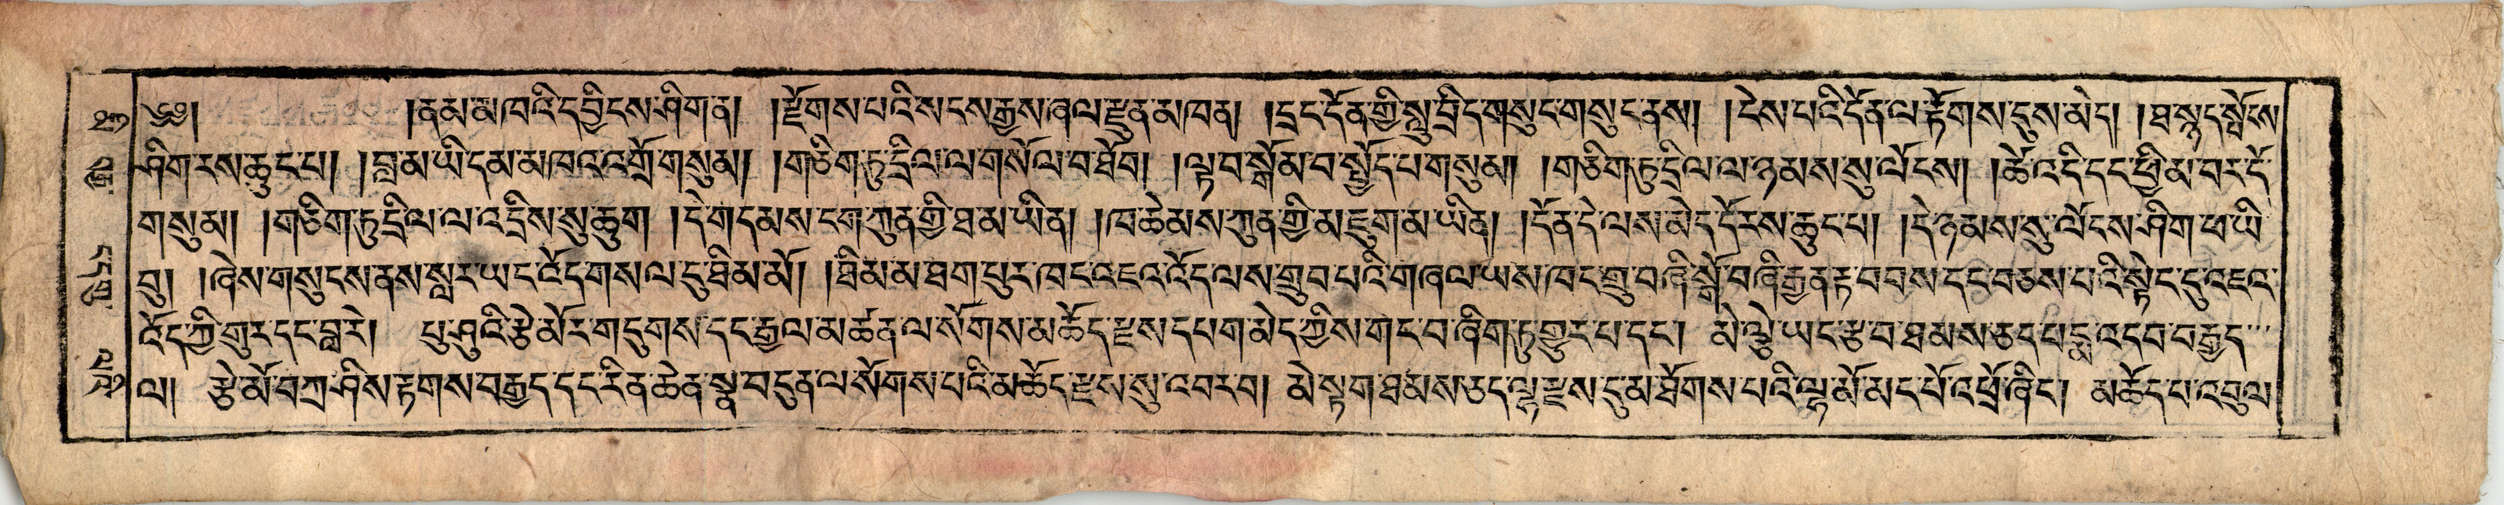ནམ་མཁའི་དབྱིངས་ཤིག་ན། །རྫོགས་པའི་སངས་རྒྱས་ཞལ་རྫུན་མཁན། །དྲང་དོན་གྱི་བསླུ་བྲིད་གསུང་གསུང་ནས། །ངེས་པའི་དོན་ལ་རྟོགས་དུས་མེད། །ཐ་སྙད་སྤོངས་
ཤིག་རས་ཆུང་པ། །བླ་མ་ཡི་དམ་མཁའ་འགྲོ་གསུམ། །གཅིག་ཏུ་དྲིལ་ལ་གསོལ་བ་ཐོབ། །ལྟ་བ་སྒོམ་པ་སྤྱོད་པ་གསུམ། །གཅིག་ཏུ་དྲིལ་ལ་ཉམས་སུ་ལོངས། །ཚེ་འདི་དང་ཕྱི་མ་བར་དོ་
གསུམ། །གཅིག་ཏུ་དྲིལ་ལ་འདྲིས་སུ་ཆུག །དེ་གདམས་ངག་ཀུན་གྱི་ཐ་མ་ཡིན། །ཁ་ཆེམས་ཀུན་གྱི་མཇུག་མ་ཡིན། །དོན་དེ་ལས་མེད་དོ་རས་ཆུང་པ། །དེ་ཉམས་སུ་ལོངས་ཤིག་ཕ་ཡི་
བུ། །ཞེས་གསུངས་ནས་སླར་ཡང་འོདགསལ་དུ་ཐིམ་མོ། །ཐིམ་མ་ཐག་པུར་ཁང་འཇའ་འོད་ལས་གྲུབ་པའི་གཞལ་ཡས་ཁང་གྲུ་བཞི་སྒོ་བཞི་རྒྱན་རྟ་བབས་དང་བཅས་པའི་སྟེང་དུ་འཇའ་
འོད་ཀྱི་གུར་དང་བླ་རེ། པུ་ཤུའི་རྩེ་མོར་གདུགས་དང་རྒྱལ་མཚན་ལ་སོགས་མཆོད་རྫས་དཔག་མེད་ཀྱིས་གང་བ་ཞིག་ཏུ་གྱུར་པ་དང་། མི་ལྕེ་ཡང་རྩ་བ་ཐམས་ཅད་པདྨ་འདབ་བརྒྱད་
ལ། རྩེ་མོ་བཀྲ་ཤིས་རྟགས་བརྒྱད་དང་རིན་ཆེན་སྣ་བདུན་ལ་སོགས་པའི་མཆོད་རྫས་སུ་འབར་བ། མེ་སྟག་ཐམས་ཅད་ལྷ་རྫས་དུ་མ་ཐོགས་པའི་ལྷ་མོ་མང་པོ་འཕྲོ་ཞིང་། མཆོད་པ་འབུལ་